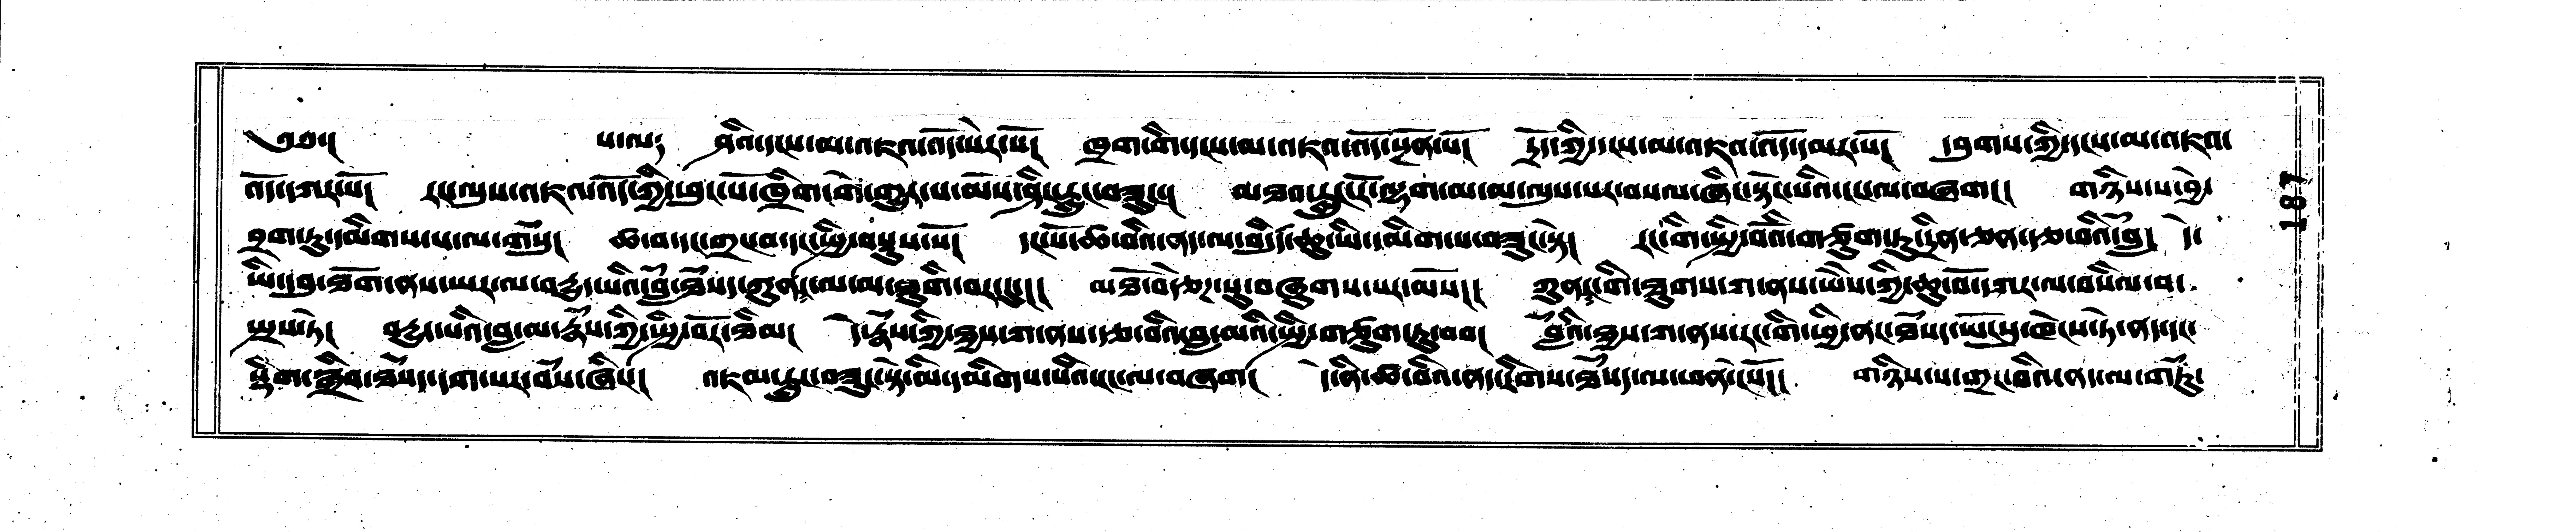པ་ལ། ཤའི་དངས་མ་འཇའ་འོད་སེར་པོ། ཁྲག་གི་དངས་མ་འཇའ་འོད་སྔོན་པོ། དྲོད་ཀྱི་དངས་མ་འཇའ་འོད་དམར་པོ། དབུགས་ཀྱི་དངས་མ་འཇའ་
འོད་དཀར་པོ། རང་ལུས་འཇའ་འོད་ཀྱི་ཕུང་པོ་ཁྲིག་གེར་གྱུར་པ་མོས་ཤིང་རླུང་བཟུང་། མཐའ་རླུང་རོ་ལྷག་མ་མ་ལུས་པར་བསམ་ཞིང་སྟོང་པའི་ངང་ལ་བཞག གཉིས་པ་བྱེ་
བྲག་ཏུ་དམིགས་པ་ལ་གསུམ། ཚ་བ་དང་གྲང་བ་དང་སྤྱི་བསྡུས་སོ། །དང་པོ་ཚ་བའི་ནད་ལ་བདུད་རྩི་ཆུ་ཡི་དམིགས་པ་བཟུང་སྟེ། རང་གི་སྤྱི་བོའི་གཙུག་ཏུ་དྲིན་ཅན་རྩ་བའི་བླ་མ། དེ་
ཡི་དབུ་ཐོག་ནས་ཡར་ལ་བརྒྱུད་པའི་བླ་མ་ཐམས་ཅད་ཀུན་བཟང་ལ་མ་ཐུག་གི་བར་དུ། མཐོ་བརྩེགས་སུ་བཞུགས་པར་མོས། ཀུན་བཟང་གི་ཐུགས་ཀ་ནས་ཡེ་ཤེས་ཀྱི་ཆུ་བོ་དཀར་ལ་བསིལ་བ་
སྤྲས་ཏེ། བརྒྱུད་པའི་བླ་མ་རྣམས་ཀྱི་སྤྱི་བོར་ཐིམ། དེ་རྣམས་ཀྱི་ཐུགས་ཀ་ནས་རྩ་བའི་བླ་མའི་སྤྱི་གཙུག་ཏུ་བབ། བླ་མའི་ཐུགས་ཀ་ནས་རང་གི་ཕྱི་ནང་ཐམས་ཅད་ཡོངས་སུ་ཁེངས་ཏེ་ནད་དང་
སྡིག་སྒྲིབ་ཐམས་ཅད་དག་པར་བསམ་ཞིང་། འཇམ་རླུང་བཟུང་སྟེ་མི་དམིགས་པའི་ངང་ལ་བཞག དེ་ནི་ཚ་བའི་ནད་རིགས་ཐམས་ཅད་ལ་ཕན་ངེས་སོ། །གཉིས་པ་གྲང་བའི་ནད་ལ་གཏུམ་